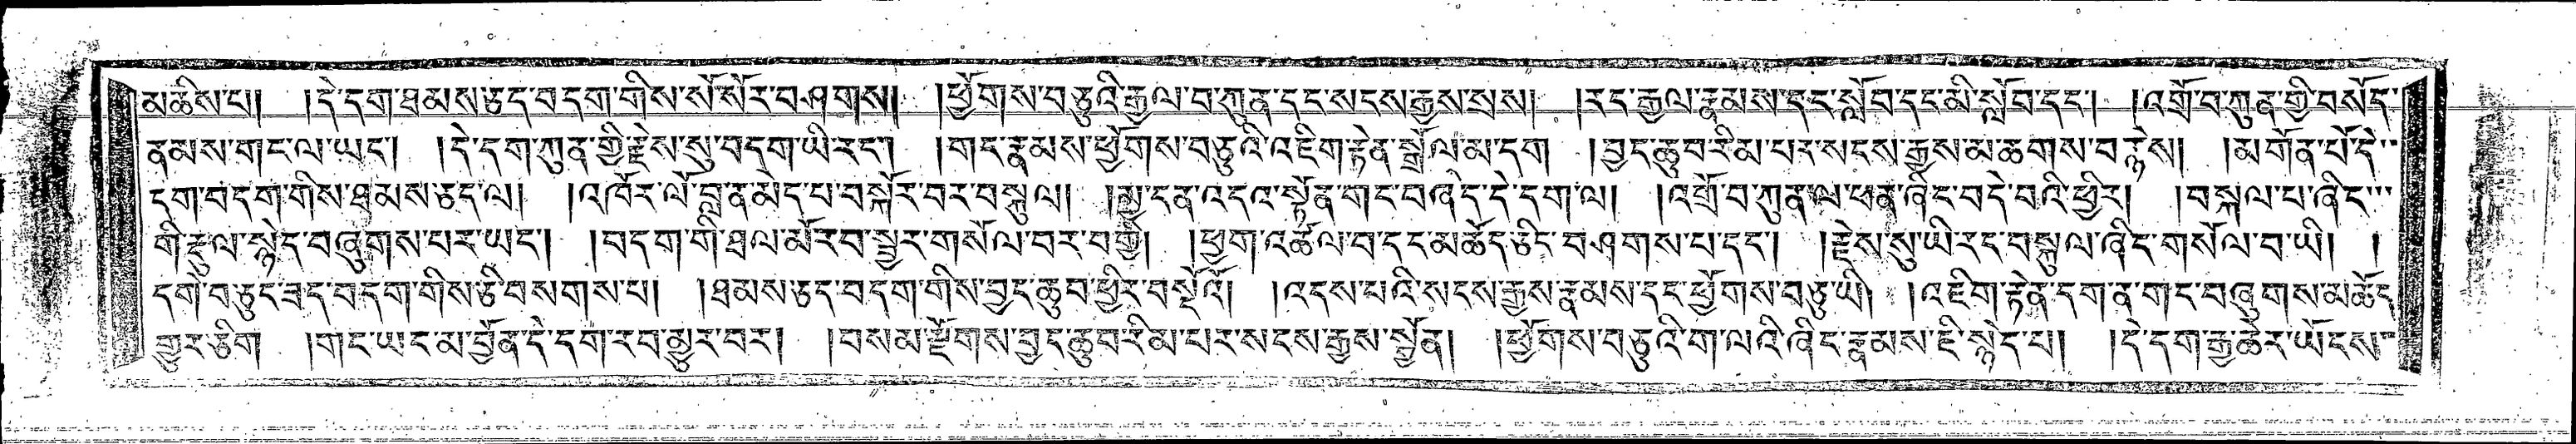མཆིས་པ། །དེ་དག་ཐམས་ཅད་བདག་གིས་སོ་སོར་བཤགས། །ཕྱོགས་བཅུའི་རྒྱལ་བ་ཀུན་དང་སངས་རྒྱས་སྲས། །རང་རྒྱལ་རྣམས་དང་སློབ་དང་མི་སློབ་དང་། །འགྲོ་བ་ཀུན་གྱི་བསོད་
ནམས་གང་ལ་ཡང་། །དེ་དག་ཀུན་གྱི་རྗེས་སུ་བདག་ཡི་རང་། །གང་རྣམས་ཕྱོགས་བཅུའི་འཇིག་རྟེན་སྒྲོལ་མ་དག །བྱང་ཆུབ་རིམ་པར་སངས་རྒྱས་མ་ཆགས་བརྙེས། །མགོན་པོ་དེ་
དག་བདག་གིས་ཐམས་ཅད་ལ། །འཁོར་ལོ་བླ་ན་མེད་པ་བསྐོར་བར་བསྐུལ། །མྱ་ངན་འདའ་སྟོན་གང་བཞེད་དེ་དག་ལ། །འགྲོ་བ་ཀུན་ལ་ཕན་ཞིང་བདེ་བའི་ཕྱིར། །བསྐལ་པ་ཞིང་
གི་རྡུལ་སྙེད་བཞུགས་པར་ཡང་། །བདག་གི་ཐལ་མོ་རབ་སྦྱར་གསོལ་བར་བགྱི། །ཕྱག་འཚལ་བ་དང་མཆོད་ཅིང་བཤགས་པ་དང་། །རྗེས་སུ་ཡི་རང་བསྐུལ་ཞིང་གསོལ་བ་ཡི། །
དགེ་བ་ཅུང་ཟད་བདག་གིས་ཅི་བསགས་པ། །ཐམས་ཅད་བདག་གིས་བྱང་ཆུབ་ཕྱིར་བསྔོའོ། །འདས་པའི་སངས་རྒྱས་རྣམས་དང་ཕྱོགས་བཅུ་ཡི། །འཇིག་རྟེན་དག་ན་གང་བཞུགས་མཆོད་
གྱུར་ཅིག །གང་ཡང་མ་བྱོན་དེ་དག་རབ་མྱུར་བར། །བསམ་རྫོགས་བྱང་ཆུབ་རིམ་པར་སངས་རྒྱས་སྦྱོན། །ཕྱོགས་བཅུའི་ག་ལའི་ཞིང་རྣམས་ཇི་སྙེད་པ། །དེ་དག་རྒྱ་ཆེར་ཡོངས་